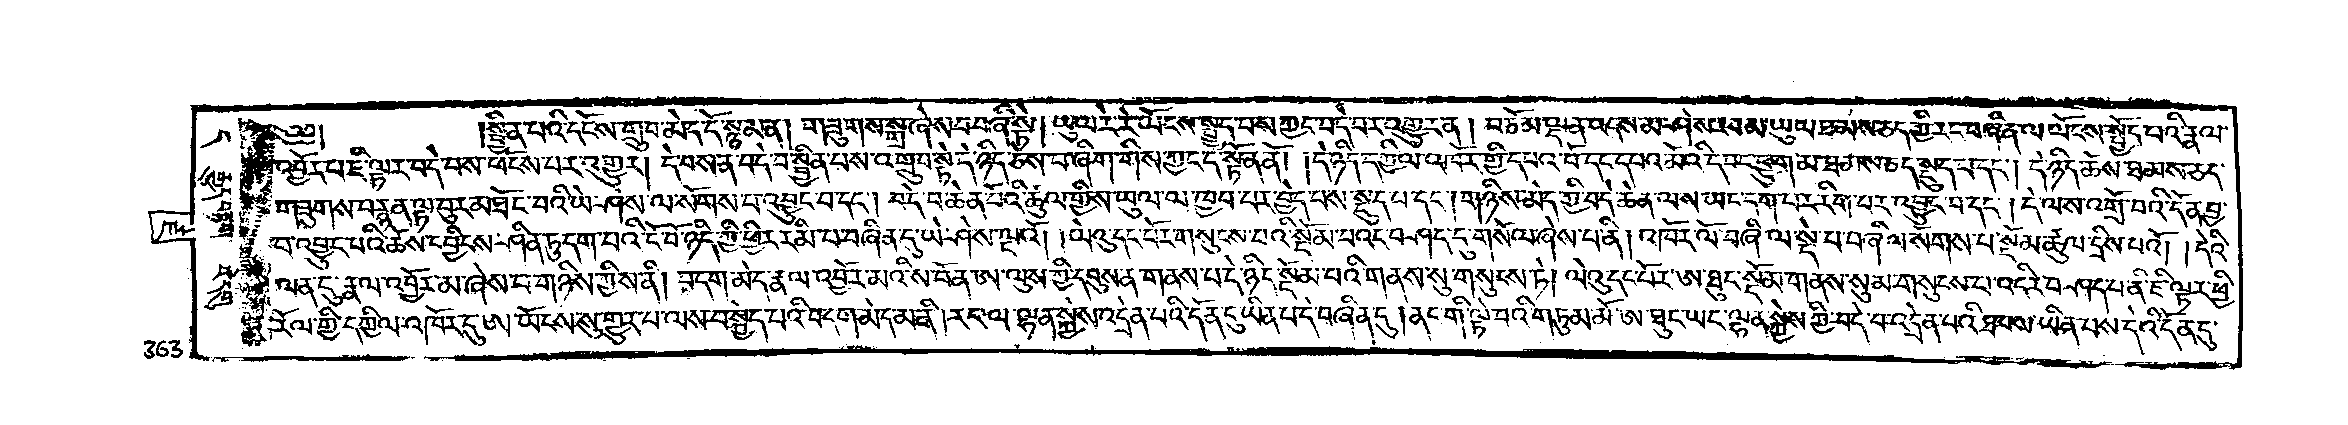༄༅། །སྦྱིན་པའི་དངོས་གྲུབ་མེད་དོ་སྙམ་ན། གཟུགས་སྒྲ་ཞེས་པ་བཞི་སྟེ། ཡུལ་རེ་རེ་ལོངས་སྤྱད་པས་ཀྱང་བདེ་བར་འགྱུར་ན། བཅོམ་ལྡན་འདས་མ་ཤེས་རབ་མ་ཡུལ་ཐམས་ཅད་ཀྱི་རང་བཞིན་ལ་ལོངས་སྤྱོད་པའི་རྣལ་
འབྱོར་པ་ཇི་ལྟར་བདེ་བས་ཕོངས་པར་འགྱུར། དེ་བས་ན་བདེ་བ་སྦྱིན་པས་འགྲུབ་སྟེ་དེ་ཉིད་ཅེས་པ་ཞིག་གིས་ཀྱང་དེ་སྟོན་ནོ། །དེ་ཉིད་དཀྱིལ་འཁོར་གྱི་དཔའ་བོ་དང་དཔའ་མོའི་དབང་ཕྱུག་མ་ཐམས་ཅད་སྡུད་པ་དང་། དེ་ཉིད་ཆོས་ཐམས་ཅད་
གཟུགས་བརྙན་ལྟ་བུར་མཐོང་བའི་ཡེ་ཤེས་ལ་སོགས་པ་འབྱུང་བ་དང་། བདེ་བ་ཆེན་པོའི་ཚུལ་གྱིས་ཡུལ་ལ་ཁྱབ་པར་བྱེད་པས་སྡུད་པ་དང་། གཉིས་མེད་ཀྱི་བདེ་ཆེན་ལས་ཡང་དག་པར་རིག་པར་འབྱུང་བ་དང་། དེ་ལས་འགྲོ་བའི་དོན་བྱ་
བ་འབྱུང་བའི་ཆོས་དབྱིངས་ཤིན་ཏུ་དག་པའི་ངོ་བོ་ཉིད་ཀྱི་ཕྱིར་རིམ་པ་བཞིན་དུ་ཡེ་ཤེས་ལྔའོ། །ལེའུ་དང་པོར་གསུངས་པའི་སྡོམ་པའང་བཤད་དུ་གསོལ་ཞེས་པ་ནི། འཁོར་ལོ་བཞི་ལ་སྡེ་པ་བཞི་ལ་སོགས་པ་སྡོམ་ཚུལ་དྲིས་པའོ། །དེའི་
ལན་དུ་རྣལ་འབྱོར་མ་ཞེས་པ་གཉིས་ཀྱིས་ནི། བདག་མེད་རྣལ་འབྱོར་མའི་ས་བོན་ཨ་ལུས་ཀྱི་དབུས་ན་གནས་པ་དེ་ཉིད་སྡོམ་པའི་གནས་སུ་གསུངས་ཏེ། ལེའུ་དང་པོར་ཨ་ཐུང་སྡོམ་གནས་སུམ་གསུངས་པ་འདིར་བཤད་པ་ནི་ཇི་ལྟར་ཕྱི་
རོལ་གྱི་དཀྱིལ་འཁོར་དུ་ཨ་ཡོངས་སུ་གྱུར་པ་ལས་བསྐྱེད་པའི་བདག་མེད་མ་ནི། རང་ལ་ལྷན་སྐྱེས་འདྲེན་པའི་དོན་དུ་ཡིན་པ་དེ་བཞིན་དུ། ནང་གི་ལྟེ་བའི་གཏུམ་མོ་ཨ་ཐུང་ཡང་ལྷན་སྐྱེས་ཀྱི་བདེ་བ་འདྲེན་པའི་ཐབས་ཡིན་པས་དེའི་དོན་དུ་